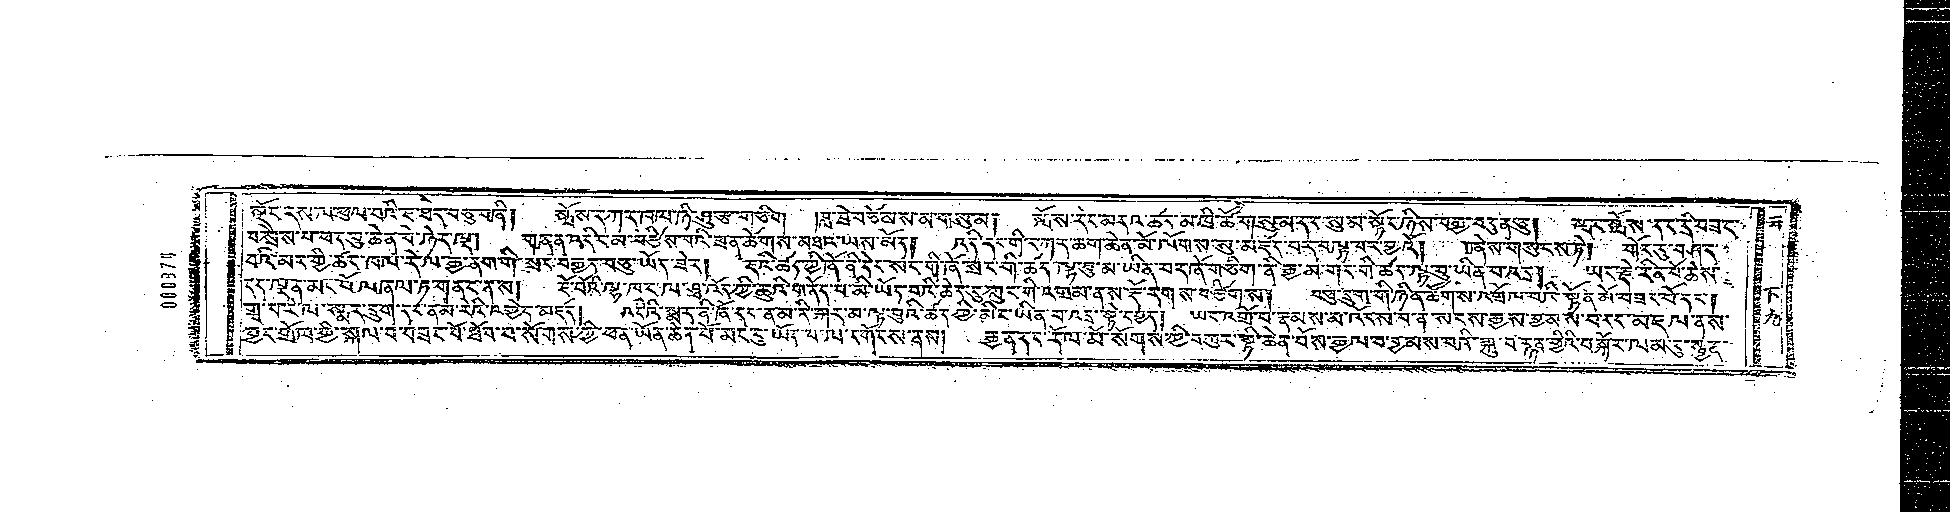སྡོང་རས་ལ་ཕུལ་བའི་ཇ་ཐར་བཅུ་བཞི། སྤོས་དཀར་ཁལ་ཉི་ཤུ་རྩ་གཅིག །བླ་བྲེ་བཙེམས་མ་གསུམ། སྤོས་རེང་མདའ་ཚང་མ་ཁྲི་ཚོ་གསུམ་དང་སུམ་སྟོང་ཉིས་བརྒྱ་བདུན་ཅུ། སྤང་སྤོས་དང་དྲི་བཟང་
བསྲེས་པ་ཕང་བུ་ཆེན་པོ་ཉེར་ལྔ། གཞན་འདིར་མ་བརྩིས་བའི་ཕྲན་ཚེགས་མཐའ་ཡས་མོད། འདི་རང་གི་དཀར་ཆག་ཆེན་མོ་ལོགས་སུ་མཛད་བར་བལྟ་བར་བྱའོ། །ཞེས་གསུངས་ཏེ། གོང་དུ་བཤད་
བའི་མར་གྱི་ཚད་ཁལ་རེ་ལ་རྒྱ་ནག་གི་སྲང་བརྒྱད་བཅུ་ཡོད་ཟེར། ཇའི་ཚད་ཀྱི་ཞོ་ནི་དེང་སང་གི་ཞོ་སྲང་གི་ཚད་ལྟ་བུ་མ་ཡིན་བར་ཞོ་གཅིག་ནི་རྒྱ་མ་གང་གི་ཚད་ལྟ་བུ་ཡིན་བ་འདྲ། ཡང་རྗེ་རིན་པོ་ཆེས་
དད་ལྡན་མང་པོ་ལ་ཞལ་ཏ་གནང་ནས། ཇོ་བོའི་ལྷ་ཁང་ལ་ཤྭ་འོད་ཀྱི་ཆུའི་གནོད་པ་མི་ཡོད་བའི་ཆེད་དུ་ཀླུང་གི་འགྲམ་ནས་རྡོ་རགས་བརྩིགས། བཅུ་དྲུག་གི་ཉིན་ཚོགས་འགྲོལ་བའི་སྟོན་མོ་བཟང་པོ་དང་།
གྲྭ་པ་རེལ་སྨར་དྲུག་དང་ནམ་རེའི་འགྱེད་མཛད། འདིའི་སྨར་ནི་ཞོ་དང་ནམ་ནི་སྐར་མ་ལྟ་བུའི་ཚད་ཀྱི་མིང་ཡིན་བ་འདྲ་སྟེ་དཔྱད། ཡང་འགྲོ་བ་རྣམས་མ་འོངས་བ་ན་སངས་རྒྱས་བྱམས་པ་དང་མཇལ་ནས་
བྱང་གྲོལ་གྱི་སྐལ་བ་བཟང་པོ་ཐོབ་བ་སོགས་ཀྱི་ཕན་ཡོན་ཆེན་པོ་མང་དུ་ཡོད་པ་ལ་དགོངས་ནས། རྒྱན་དང་རོལ་མོ་སོགས་ཀྱི་བཀུར་སི་ཆེན་པོས་རྒྱལ་བ་བྱམས་པའི་སྐུ་བརྙན་ཕྱིའི་སྐོར་ལམ་དུ་སྤྱན་